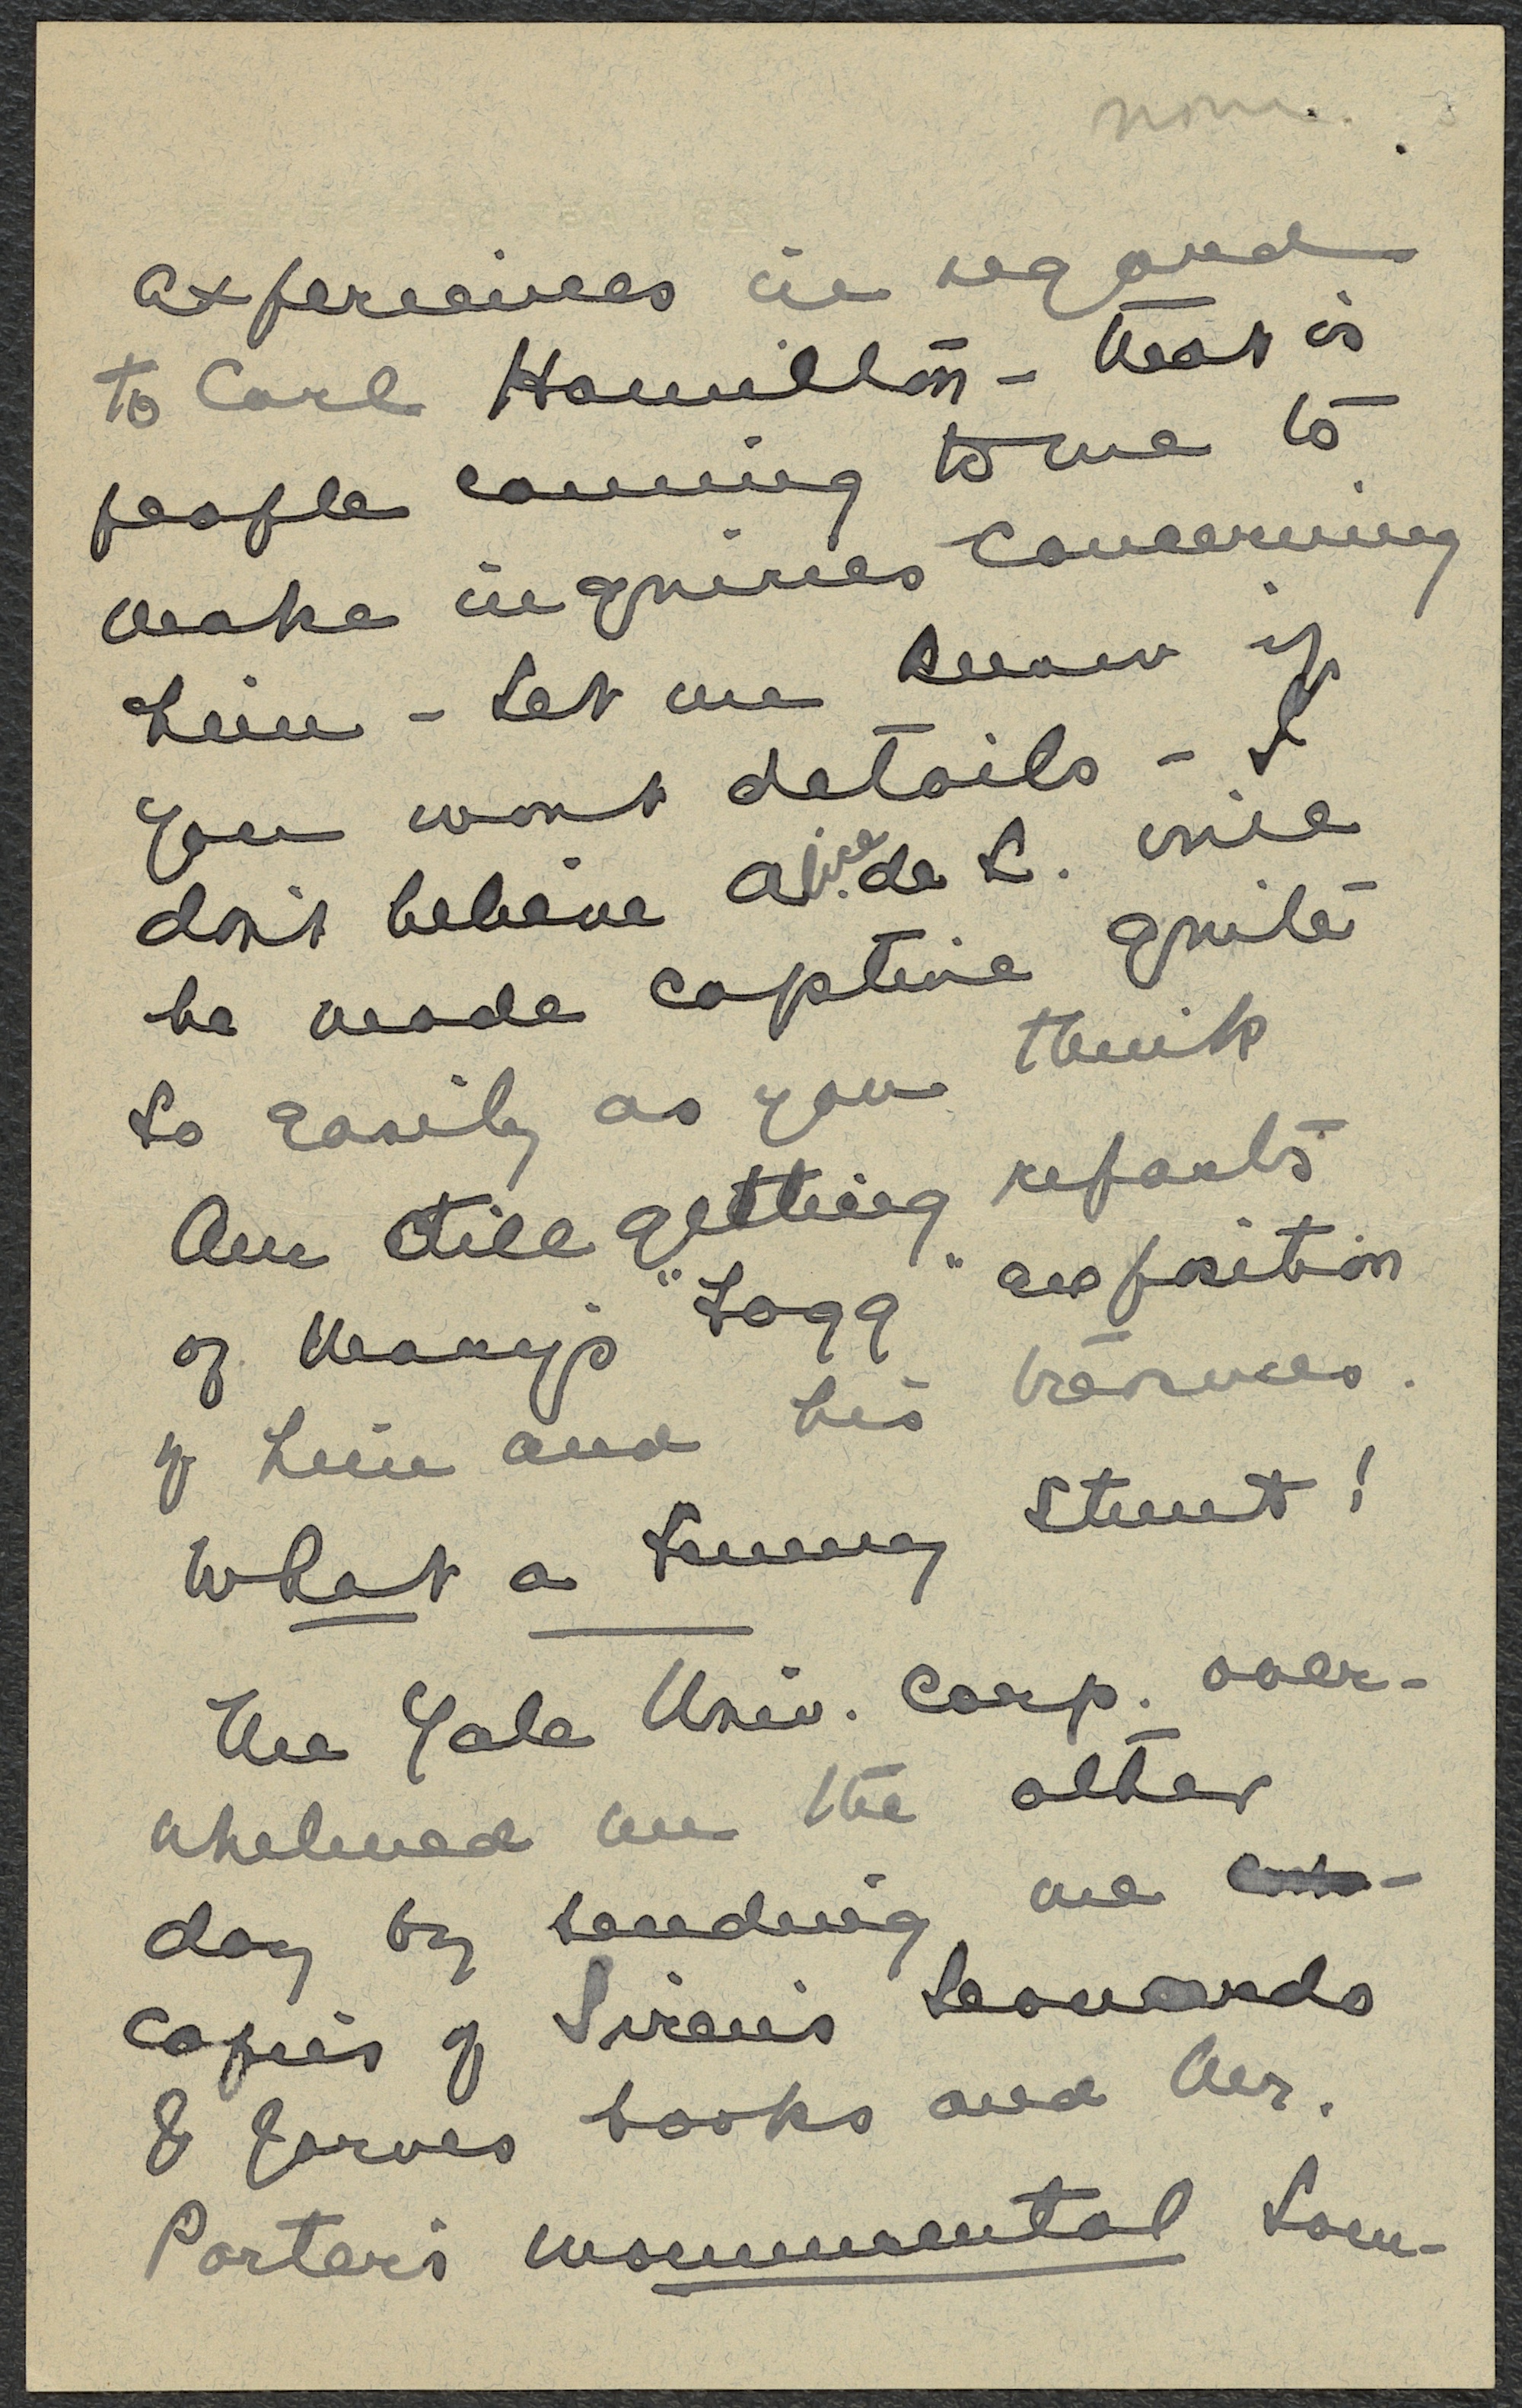experiences in regard to Carl Hamilton – that is people coming to me to make inquiries concerning him – Let me know if you want details – I don't believe A[^lice^] de L. will be made captive quite so easily as you think
Am still getting reports of Mary's "Fogg" exposition of him and his treasures. What a funny stunt!
The Yale Univ. Corp. overwhelmed me the other day by sending me [illegible deletion] copies of Siren's Leonardo & Jarves books and Mr. Porter's monumental